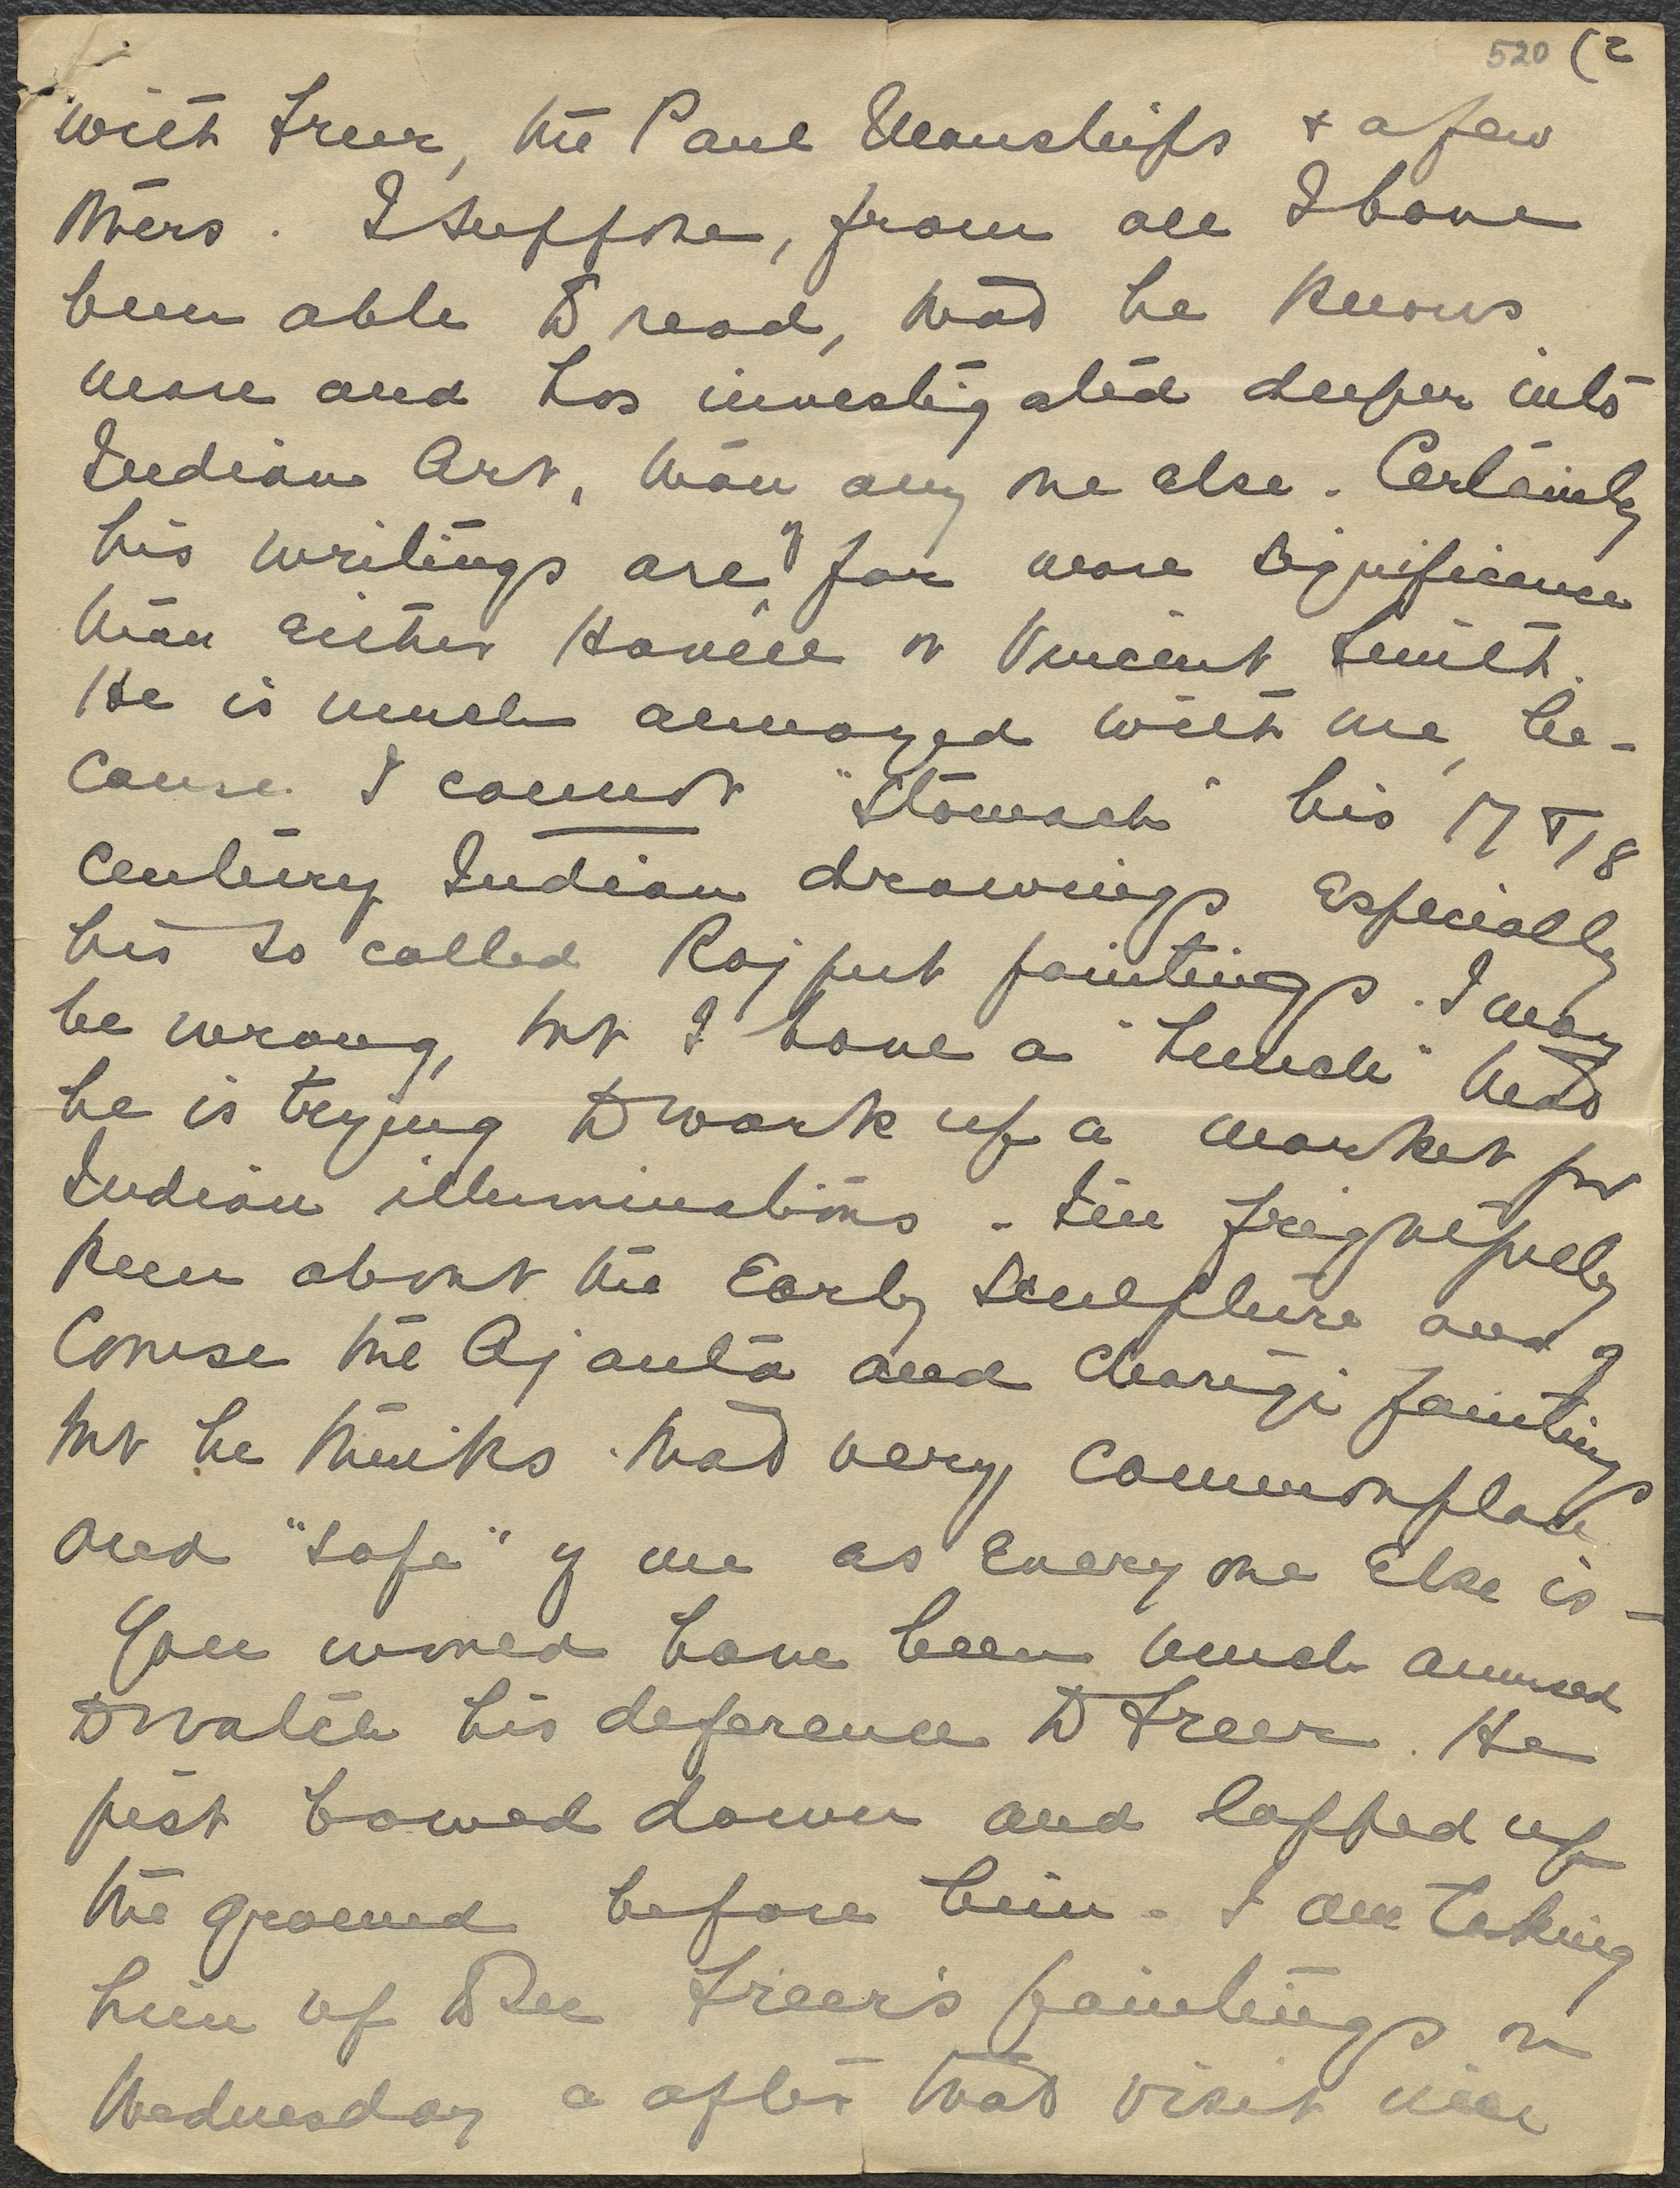with Freer, the Paul Manships & a few others. I suppose, from all I have been able to read, that he knows more and has investigated deeper into Indian Art, than any one else. Certainly his writings are [^of^] far more significance than either Havell or Vincent Smith. He is much annoyed with me, because I cannot "stomach" his 17 & 18 century Indian drawings especially his so called Rajput paintings. I may be wrong, but I have a "hunch" that he is trying to work up a market for Indian illuminations. I'm frightfully keen about the early sculpture and of course the Ajanta and Charigi paintings but he thinks that very commonplace and "safe" of me as every one else is –
You would have been much amused to watch his deference to Freer. He just bowed down and lapped up the ground before him – I am taking him up to see Freer's paintings on Wednesday & after that visit will